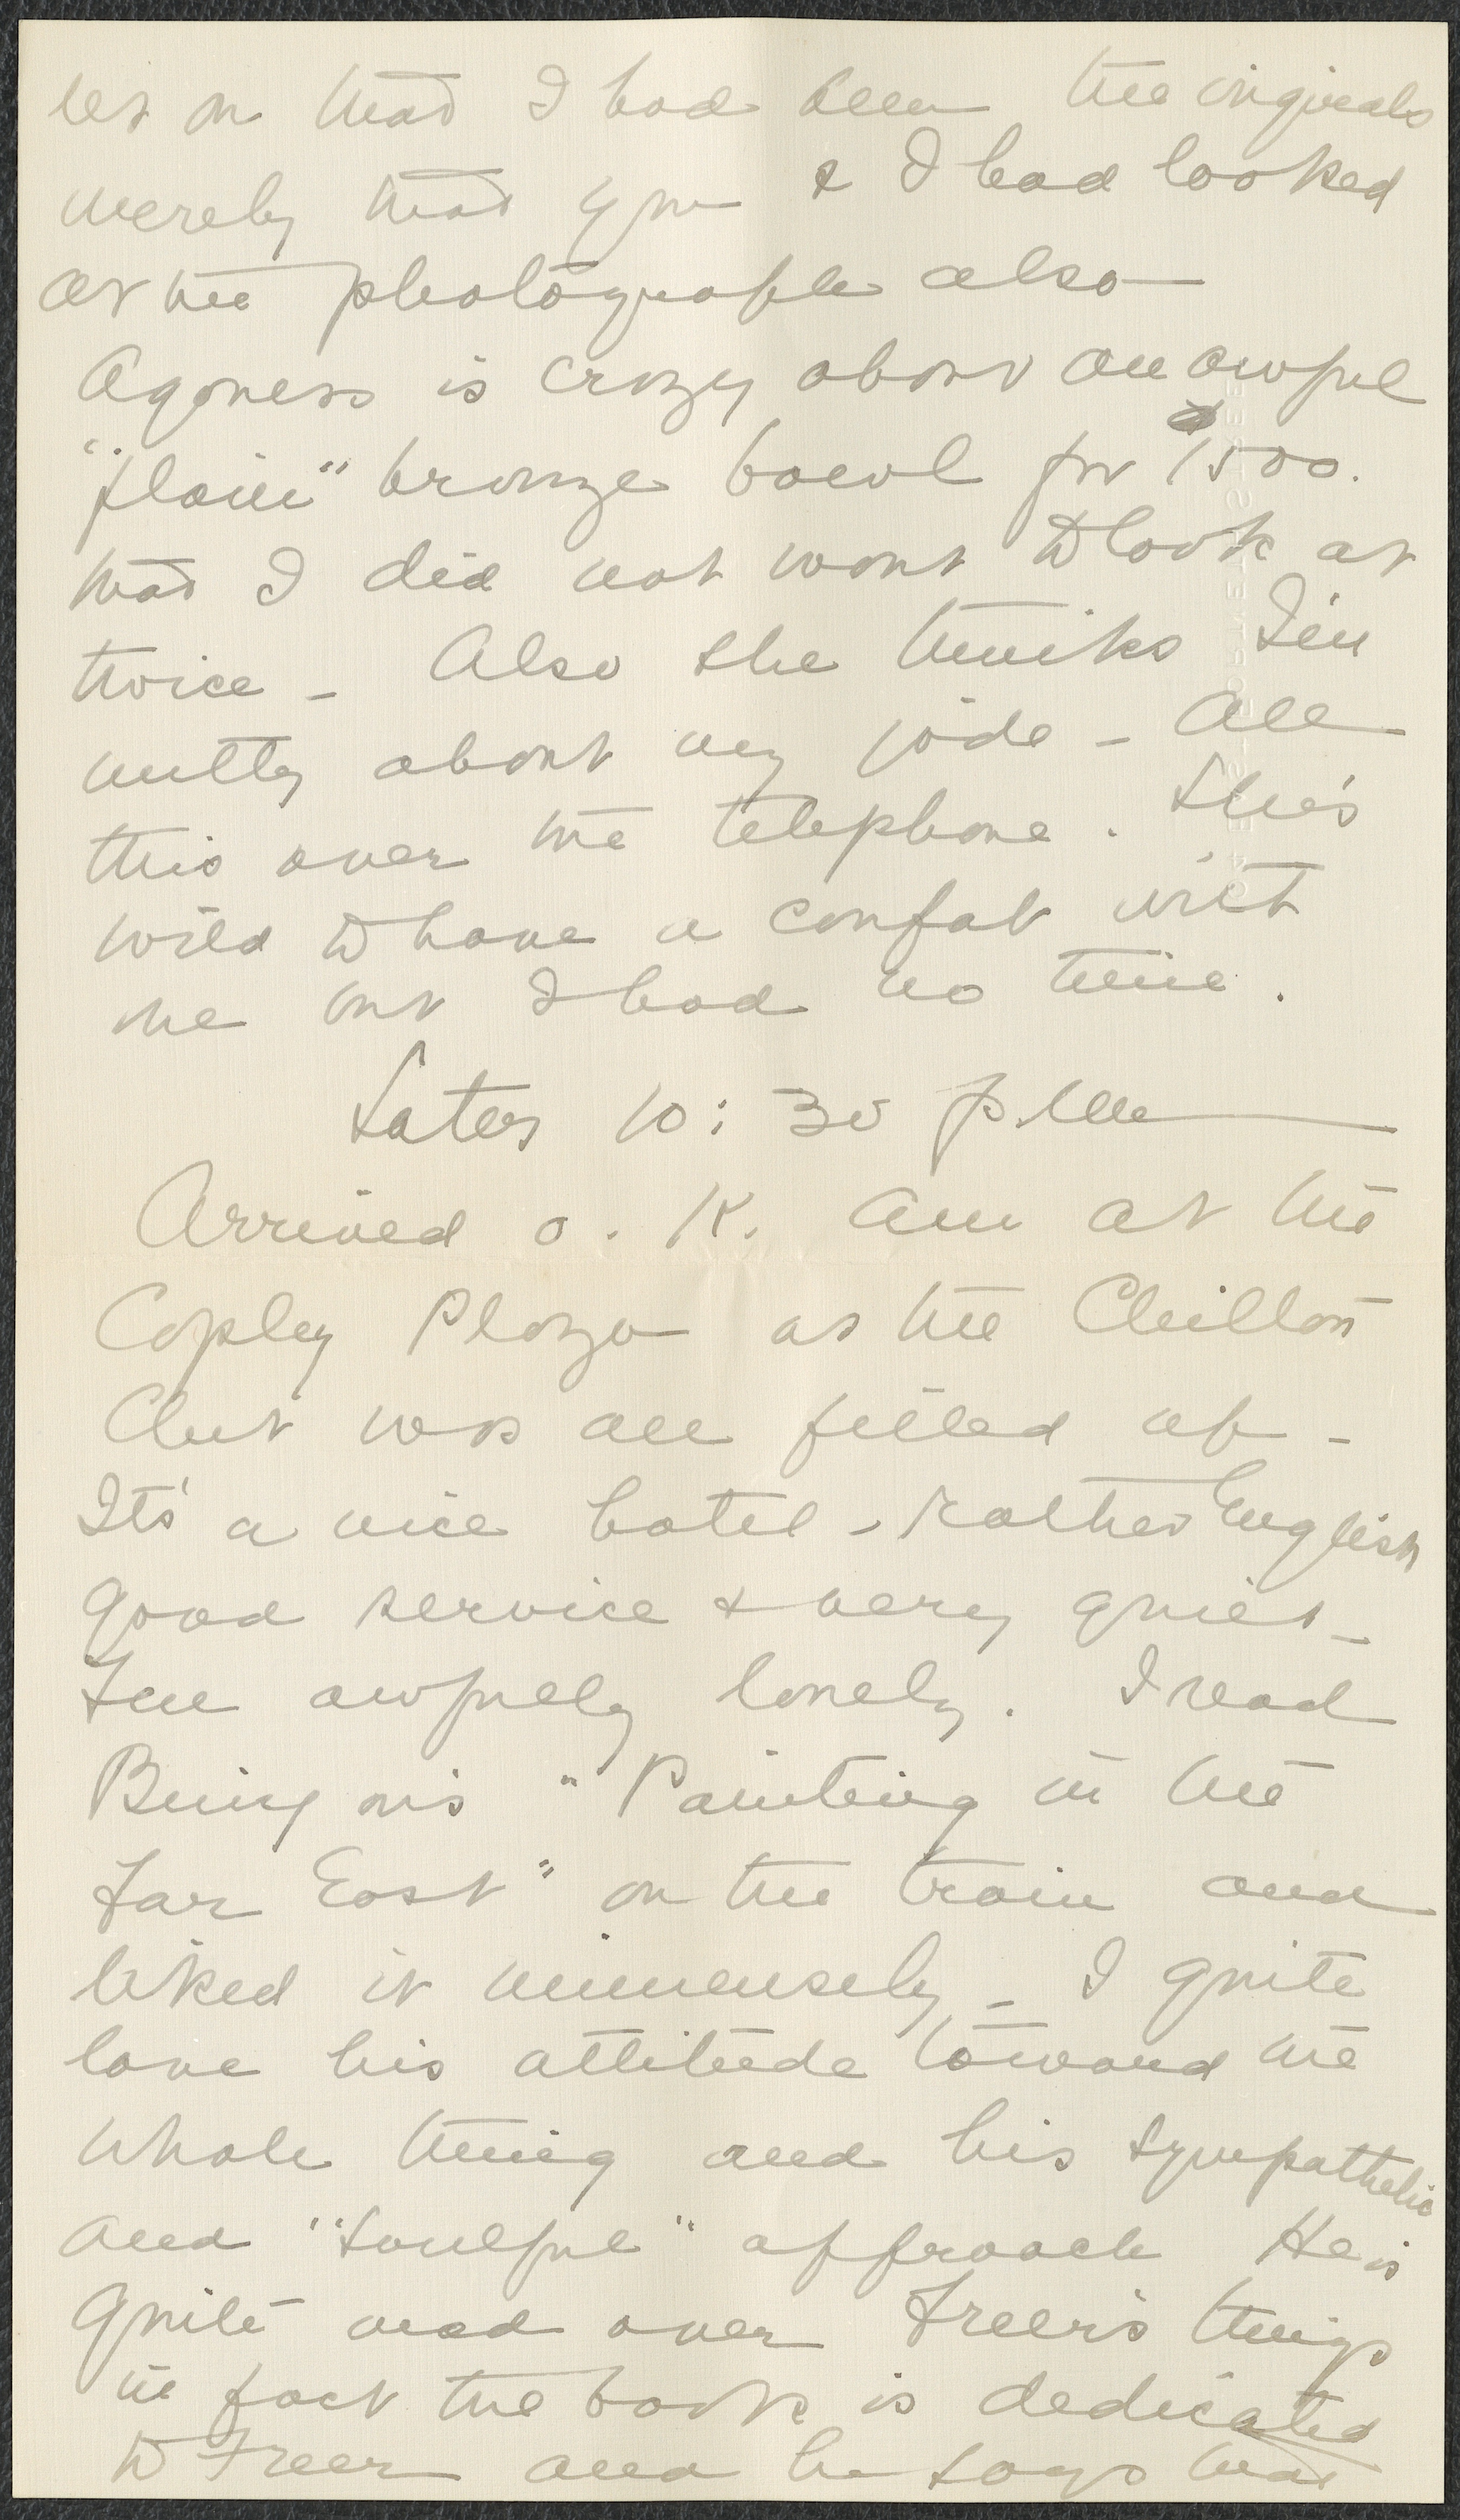let on that I had seen the originals merely that you & I had looked at the photographs also –
Agoness is crazy about an awful “plain” bronze bowl for $1500 that I did not want to look at twice – Also she thinks I’m nutty about my jade – All this over the telephone. She’s wild to have a confab with me but I had no time.
Later 10:30 p.m–
Arrived o.k. am at the Copley Plaza as the Chilton Club was all filled up – It’s a nice hotel, rather English good service & very quiet – Feel awfully lonely. I read Binyon’s “Painting in the Far East” on the train and liked it immensely – I quite love his attitude toward the whole thing and his sympathetic and “soulful” approach He is quite mad over Freer’s things in fact the book is dedicated to Freer and he says that